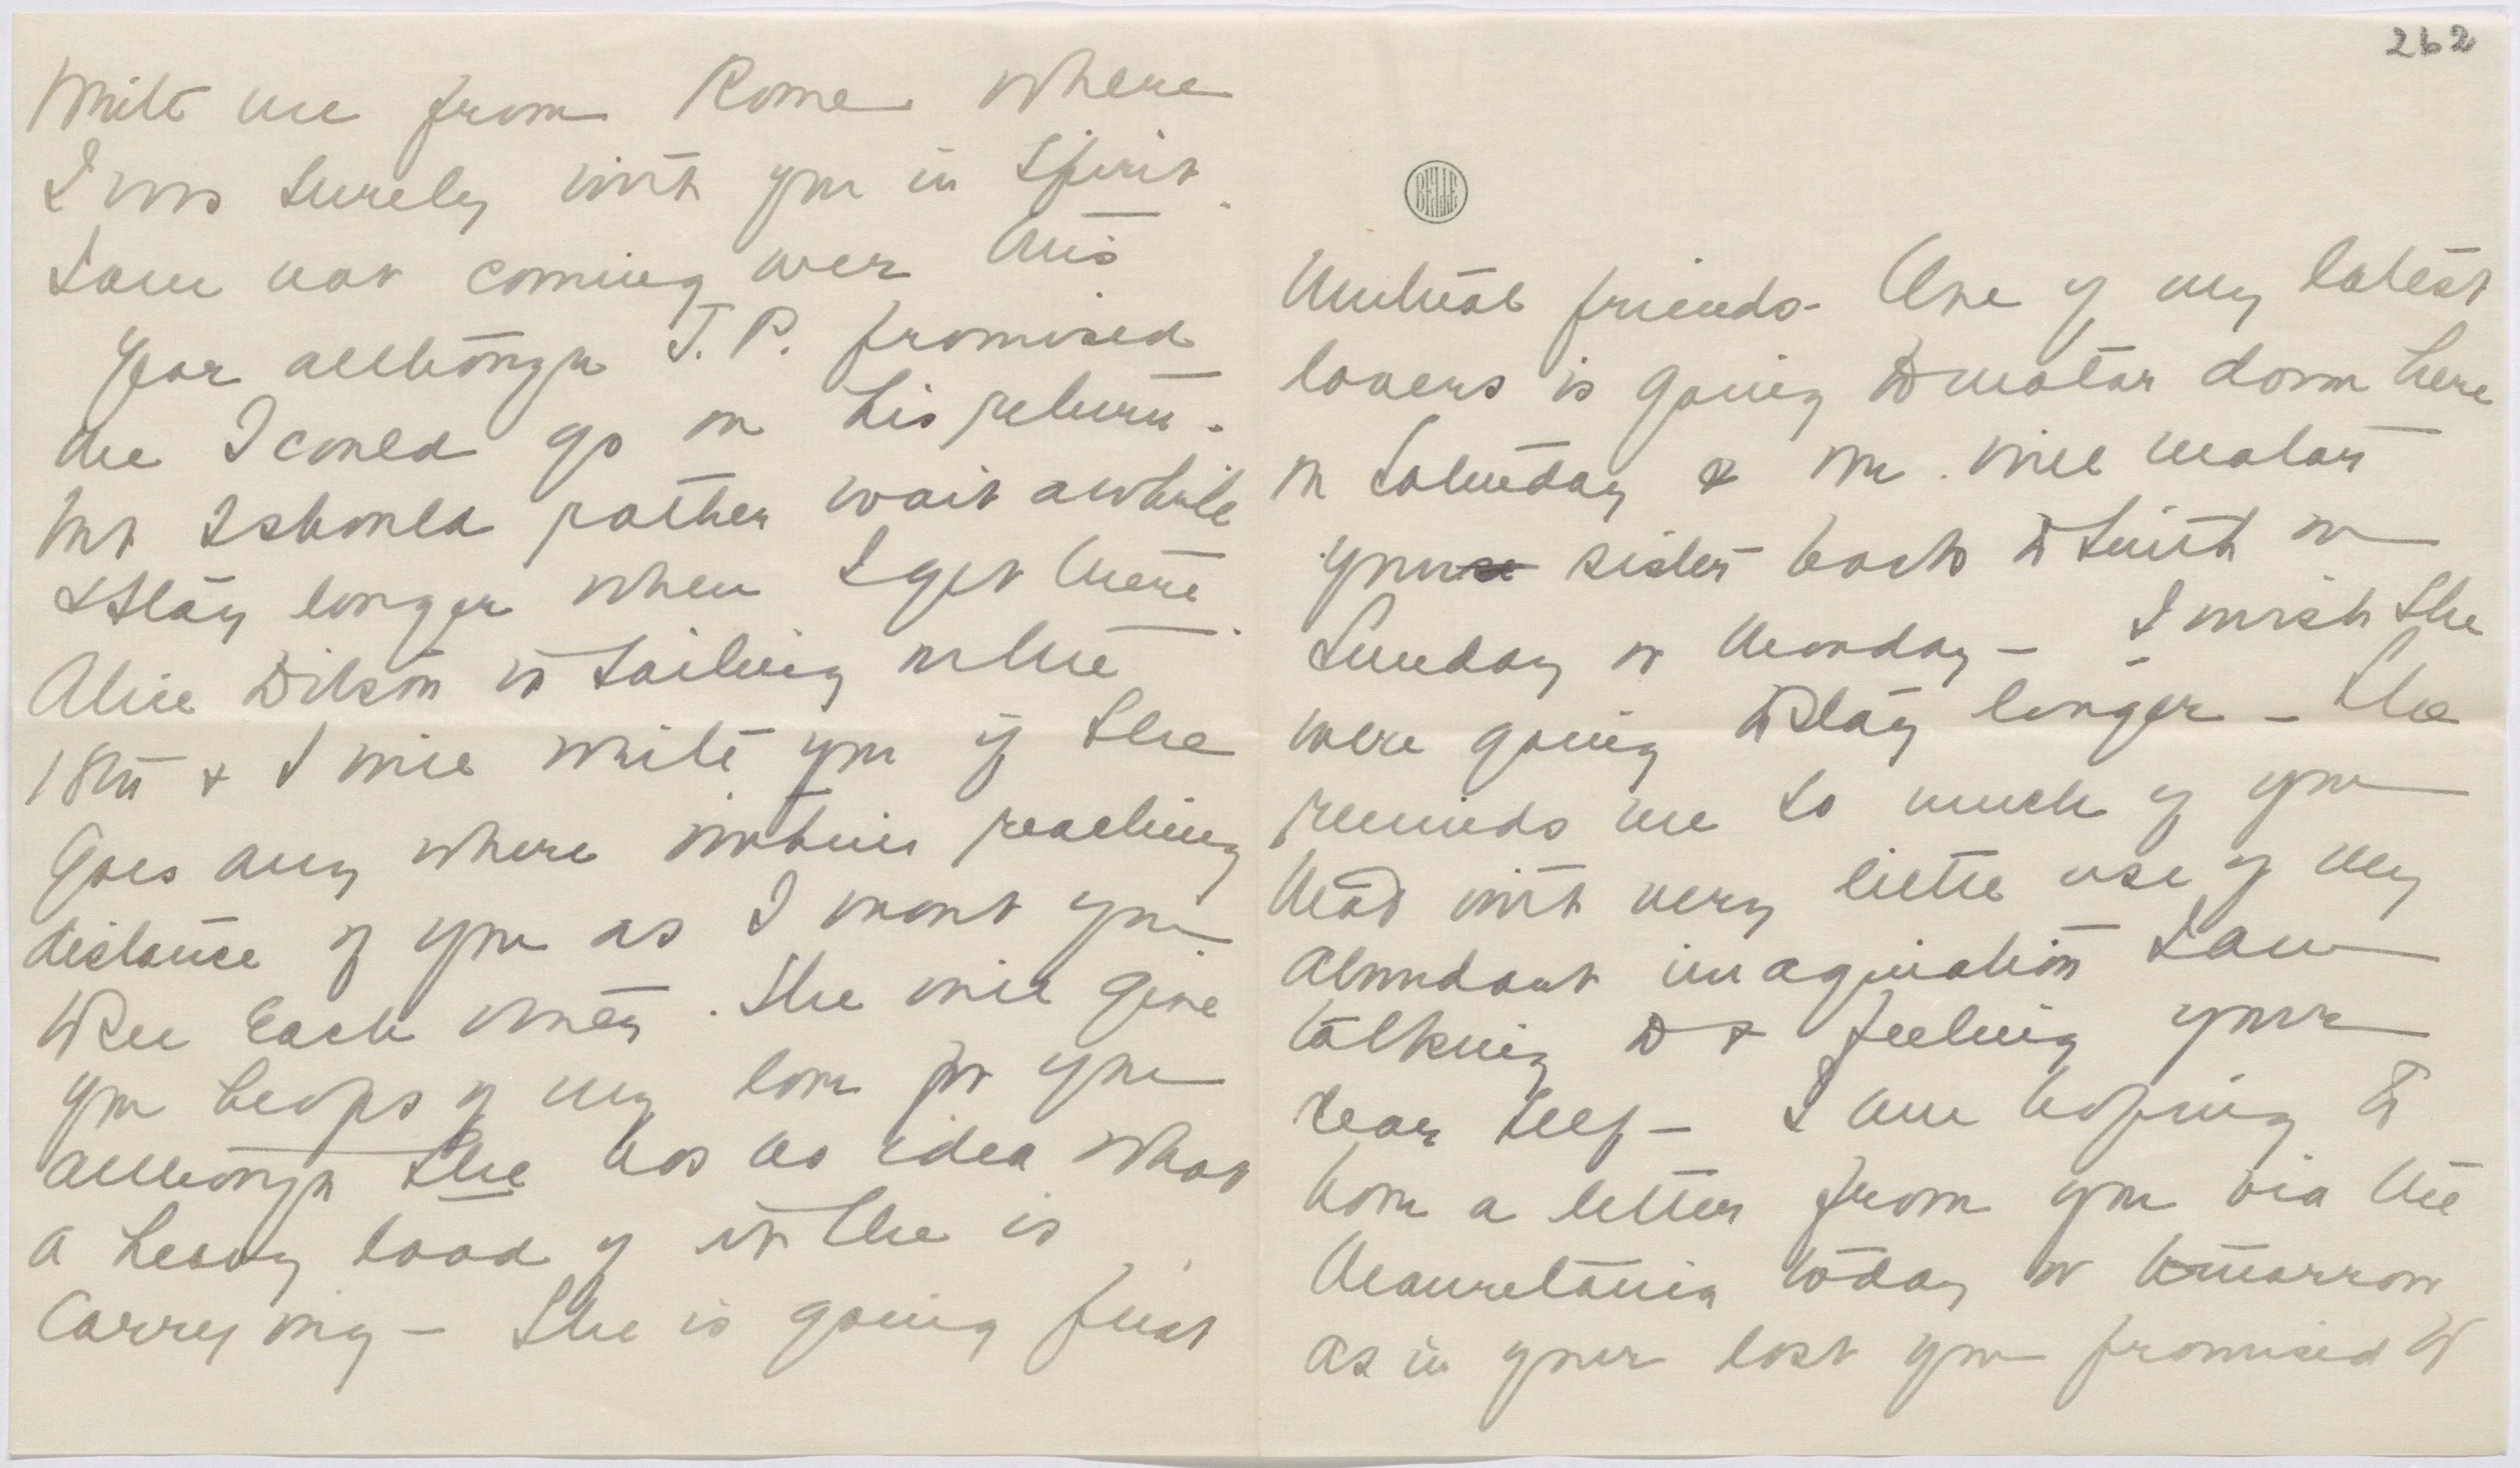mutual friends – One of my latest lovers is going to motor down here on Saturday & we will motor yourse sister back to Smith on Sunday or Monday – I wish she were going to stay longer – She reminds me so much of you that with very little use of my abundant imagination I am talking to & feeling your dear self – I am hoping to have a letter from you via the Mauretania today or tomorrow as in your last you promised to
write me from Rome where I was surely with you in spirit. I am not coming over this year although J. P. promised me I could go on his return – but I should rather wait awhile & stay longer when I get there.
Alice Ditson is sailing on the 18th & I will write you if she goes any where within reaching distance of you as I want you to see each other. She will give you heaps of my love for you although she has no idea what a heavy load of it she is carrying – She is going first